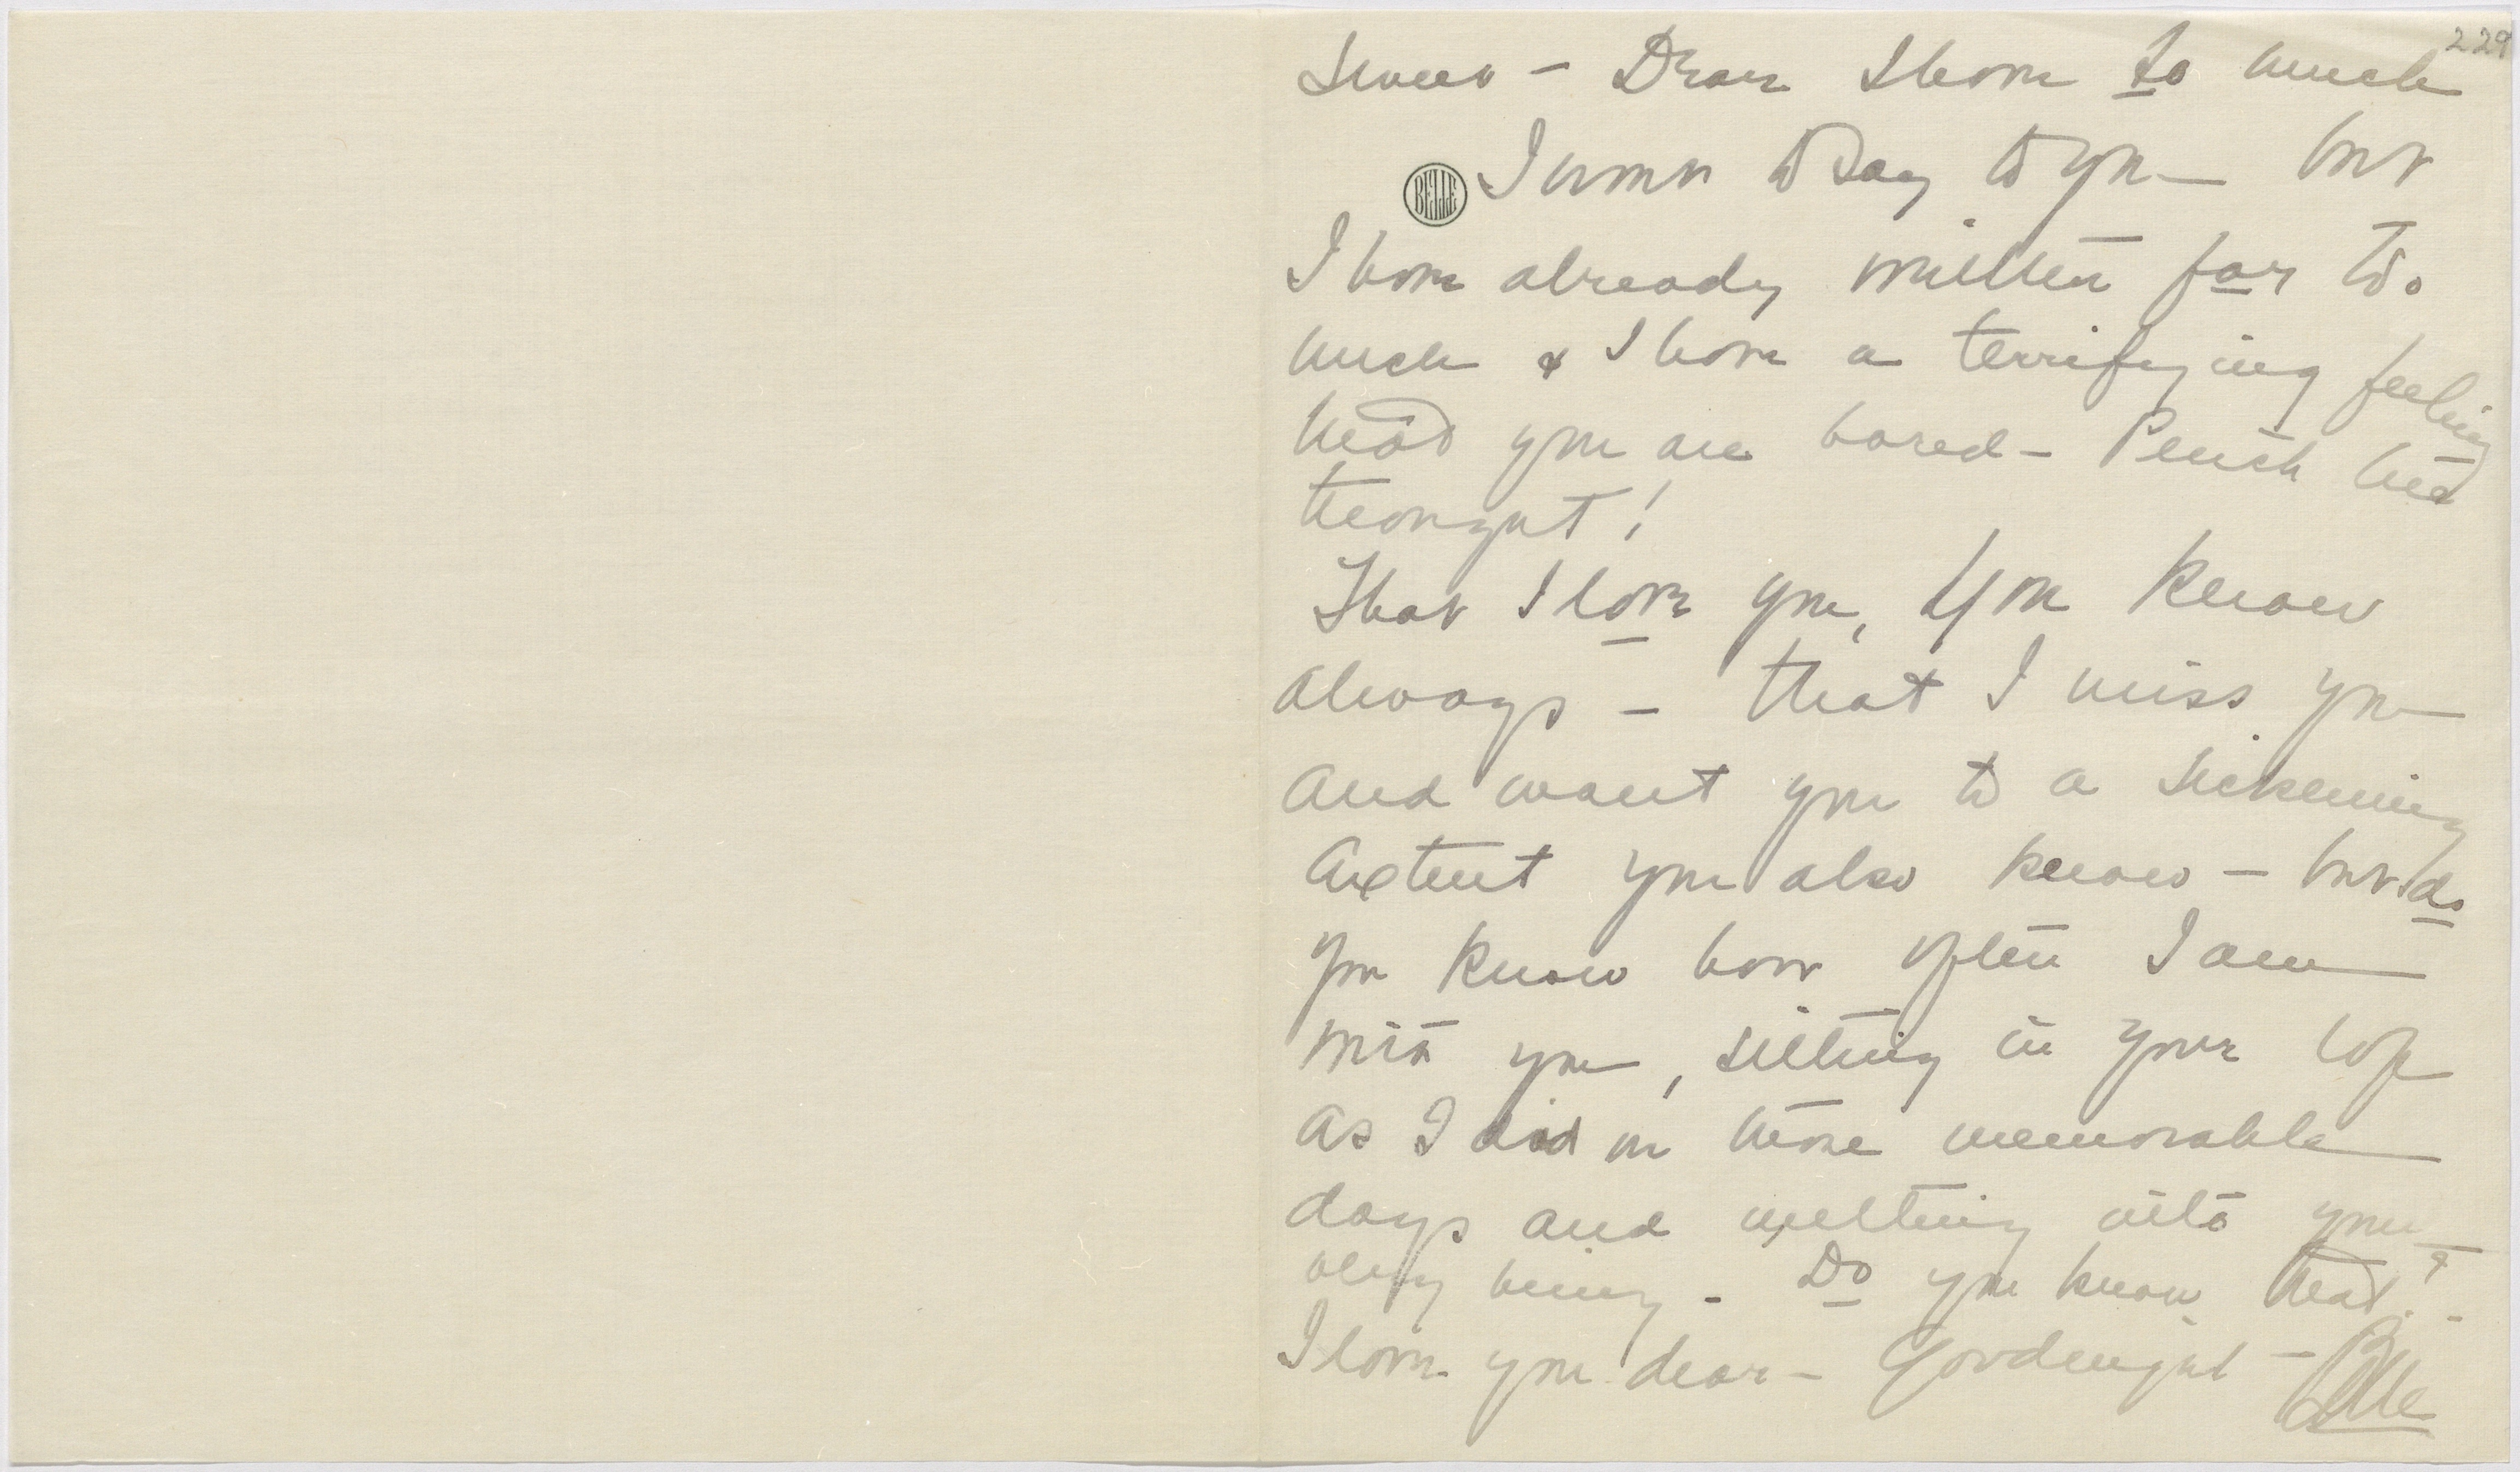sweet – Dear I have so much I want to say to you – but I have already written far too much & I have a terrifying feeling that you are bored – Perish the thought!
That I love you, you know always – that I miss you and want you to a sickening extent you also know – but do you know how often I am with you, sitting in your lap as I did in those memorable days and melting into your very being – Do you know that? –
I love you dear – Goodnight –
Belle